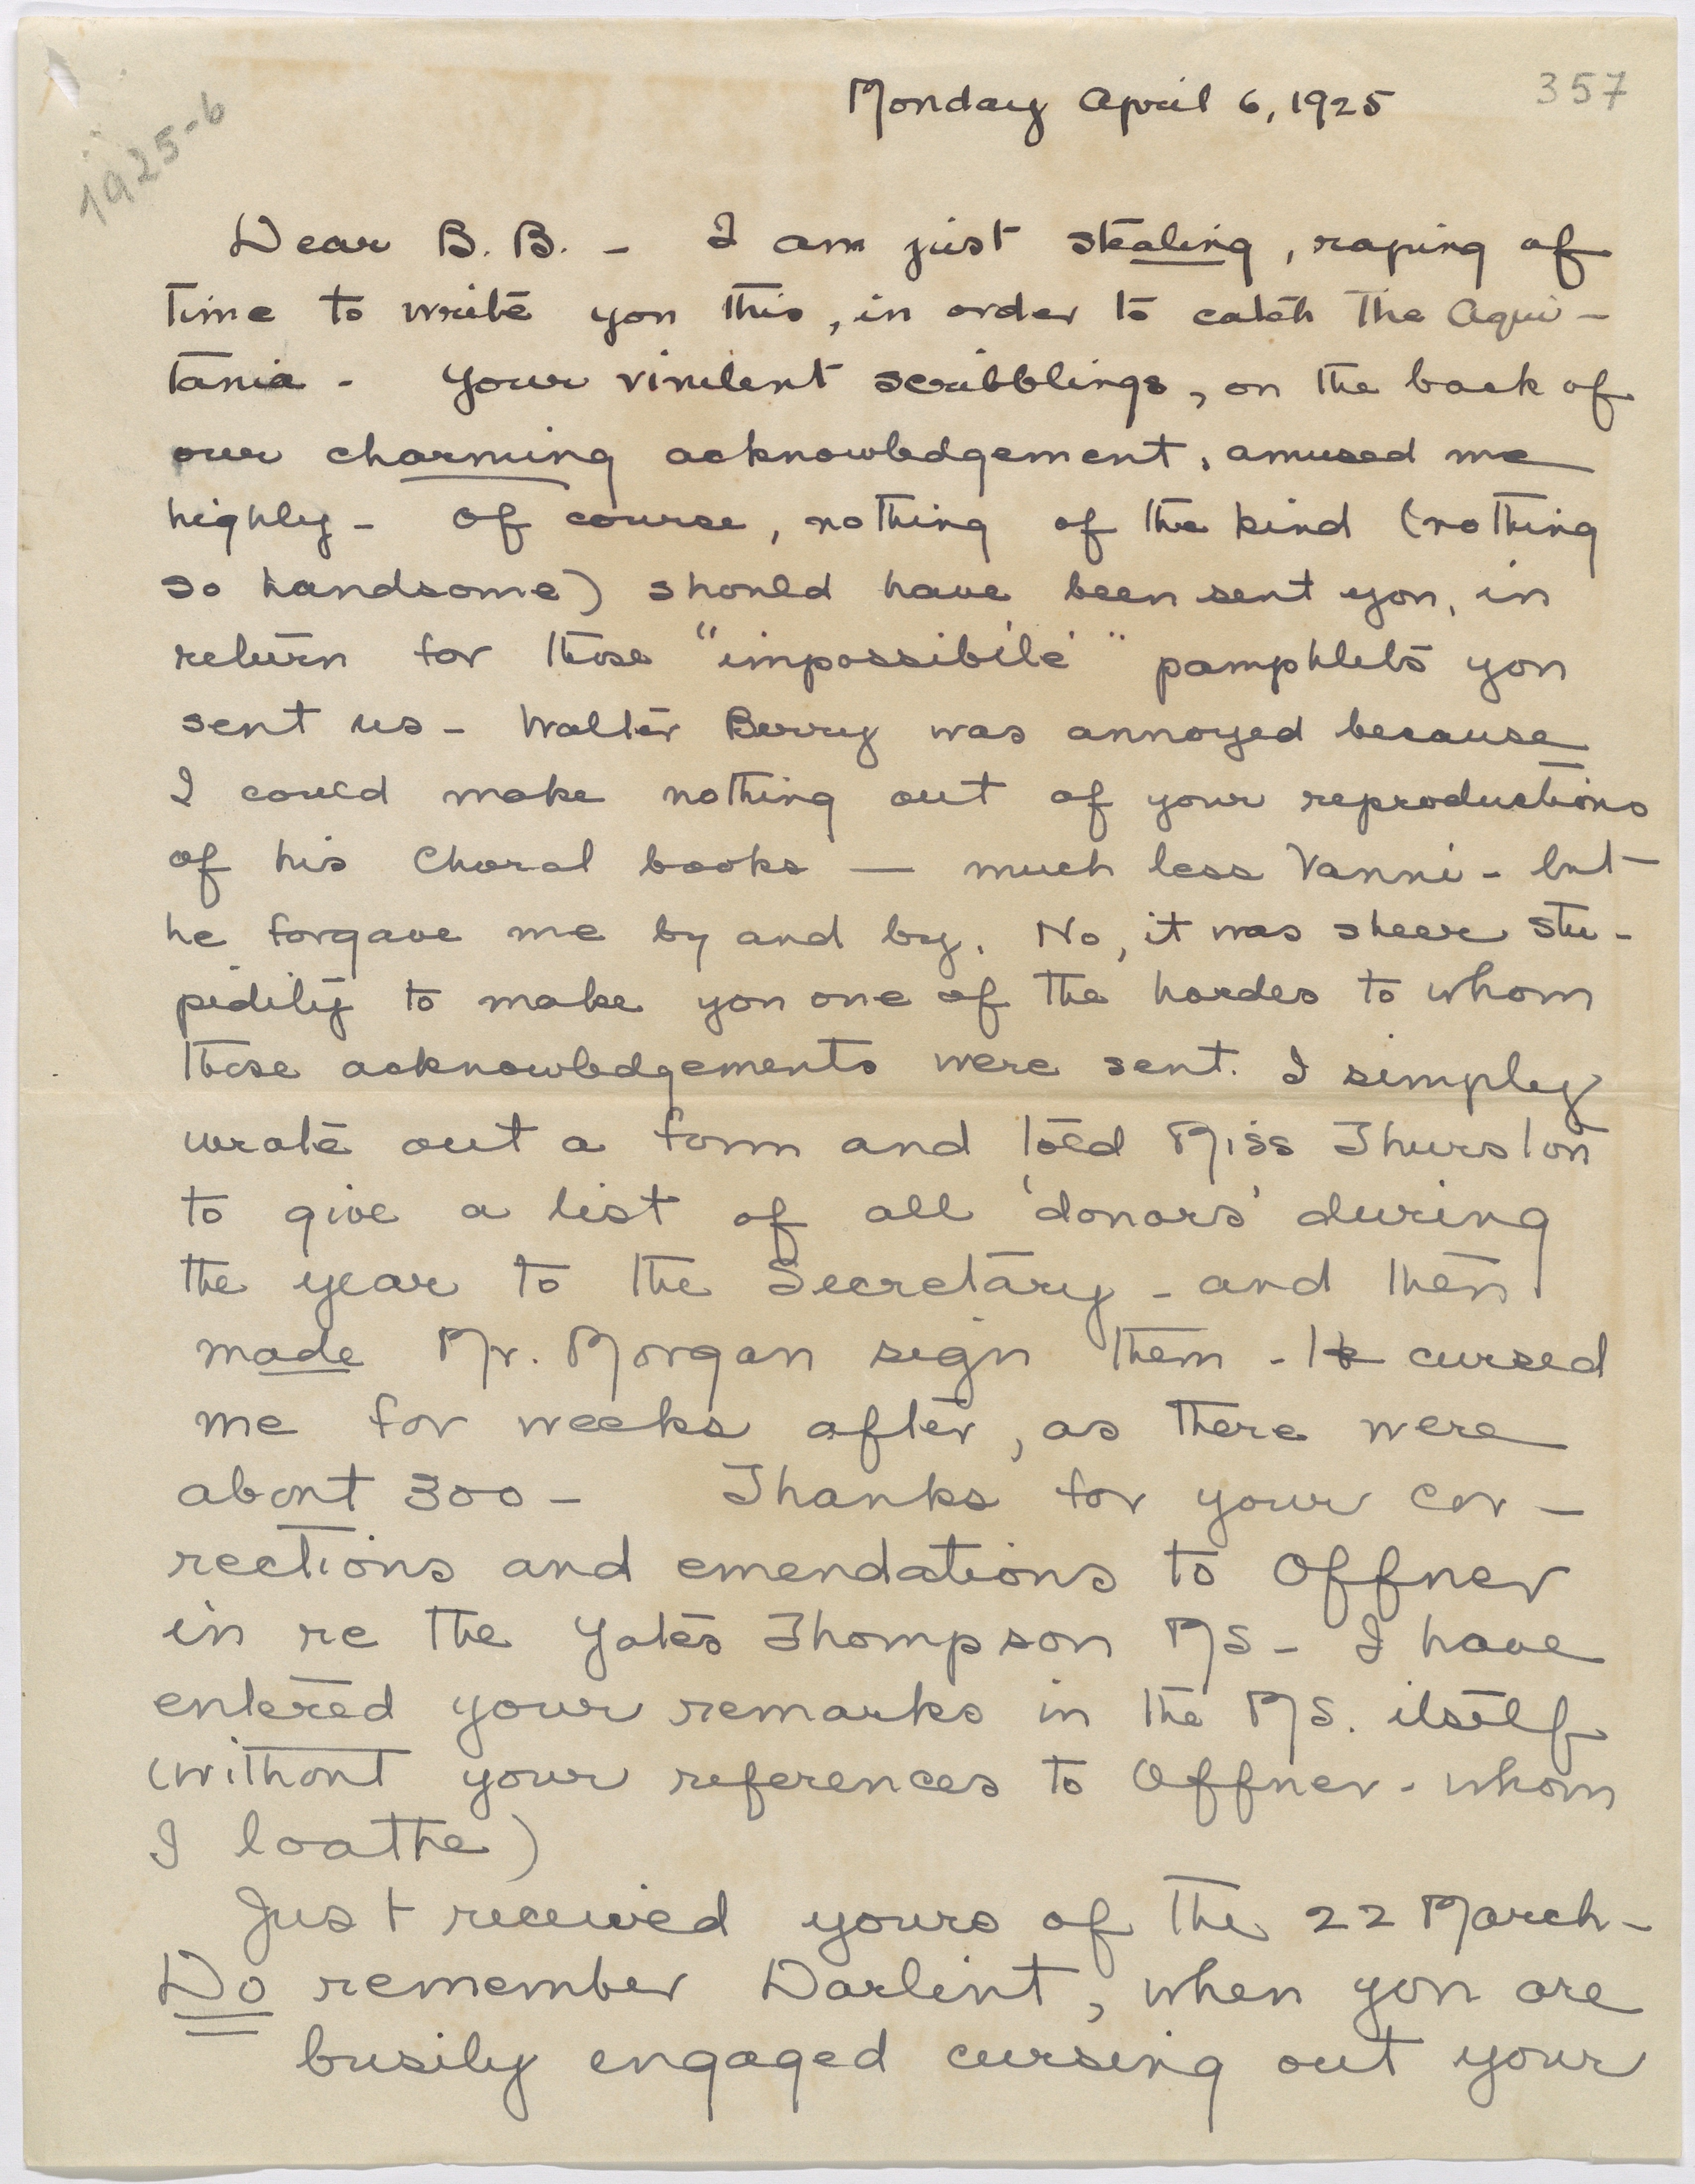Monday April 6, 1925
Dear B.B. – I am just stealing, raping of time to write you this, in order to catch the Aquitania – Your virulent scribblings, on the back of our charming acknowledgement, amused me highly – of course, nothing of the kind (nothing so handsome) should have been sent you, in return for those “impossible” pamphlets you sent us – Walter Berry was annoyed because I could make nothing out of your reproductions of his choral books – much less Vanni – but he forgave me by and by. No, it was sheer stupidity to make you one of the hordes to whom those acknowledgements were sent. I simply wrote out a form and told Miss Thurston to give a list of all ‘donors’ during the year to the Secretary – and then made Mr. Morgan sign them. He cursed me for weeks after, as three were about 300 – Thanks for your corrections and emendations to Offner in re the Yates Thompson MS – I have entered your remarks in the MS. itself (without your references to Offner, whom I loathe)
Just received yours of the 22 March – [double underlined: Do] remember Darlint, when you are busily engaged cursing out your